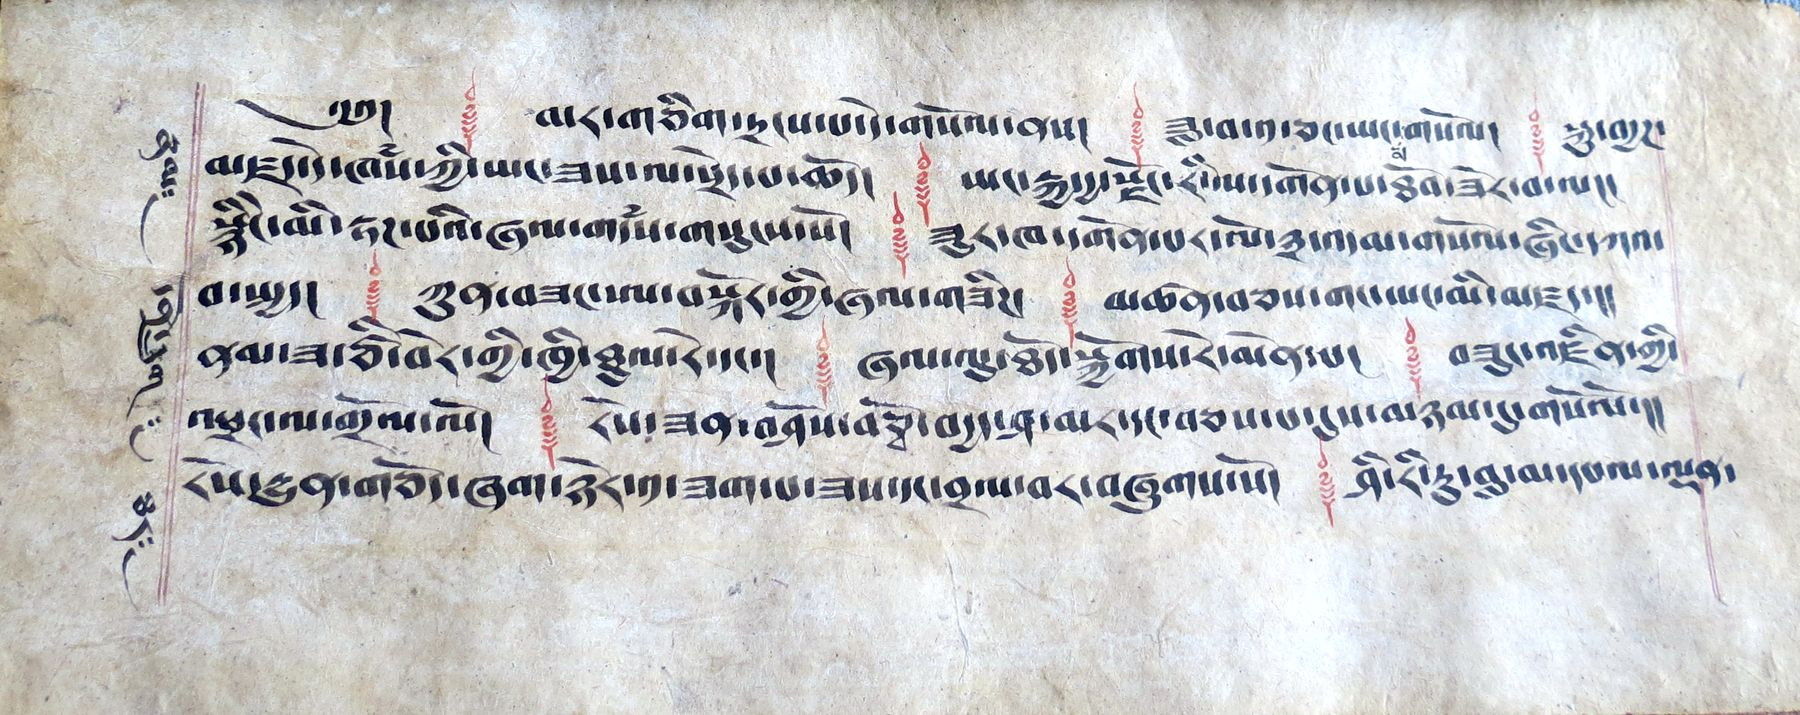མར་ཞིག་དྲངས་པ་དེ་གསོལ་ནས། ཟླ་བ་གཅིག་ཅང་ཡང་མ་གསོལ། སྐུ་རྒྱགས་
མཛད་དེ་ཁམས་ཀྱི་ཡང་ཟས་ལ་སྲེད་པ་ཆོད། ཡང་རྐྱ་རྒྱའི་རྫོང་རི་ལ་དགོན་པ་ཐོབ་ཟེར་བ་ལ། 
སྙིང་རྗེ་མི་རྟག་པའི་ཞལ་གདམས་གསུངས་སོ། ། ཟུར་ཁ་དགོན་པར་ལོ་གསུམ་འདམ་པ་གསོལ་ཞིང་དཀའ་
བ་སྤྱད། ཀུན་བཟང་ཨ་སྐོར་གྱི་ཞལ་གཟིགས་མཚན་བཅས་གང་ཡང་མི་མཛད། 
ནམ་བཟའ་རྩི་བེར་ཁྱི་ཐུལ་རེ་དང་། ཞལ་ལུ་ཐོད་སྐྱོགས་རེ་མིན་པ་བཟུང་འཛིན་གྱི་
འཕྲང་ལས་གྲོལ་ལོ། ། རེས་ཟས་བཤོས་བཅོ་བརྒྱད་ཤ་མར་དང་བཅས་པ་དུས་མཉམ་དུ་གསོལ་ལོ། ། 
རེས་རྒྱུན་གཅོད་ཞག་ཉེར་གཅིག་ཟག་པ་ཟས་དང་བྲལ་བར་བཞུགས་སོ། ། ཤི་རི་རུ་བླ་མ་དཔལ་ལྡན་